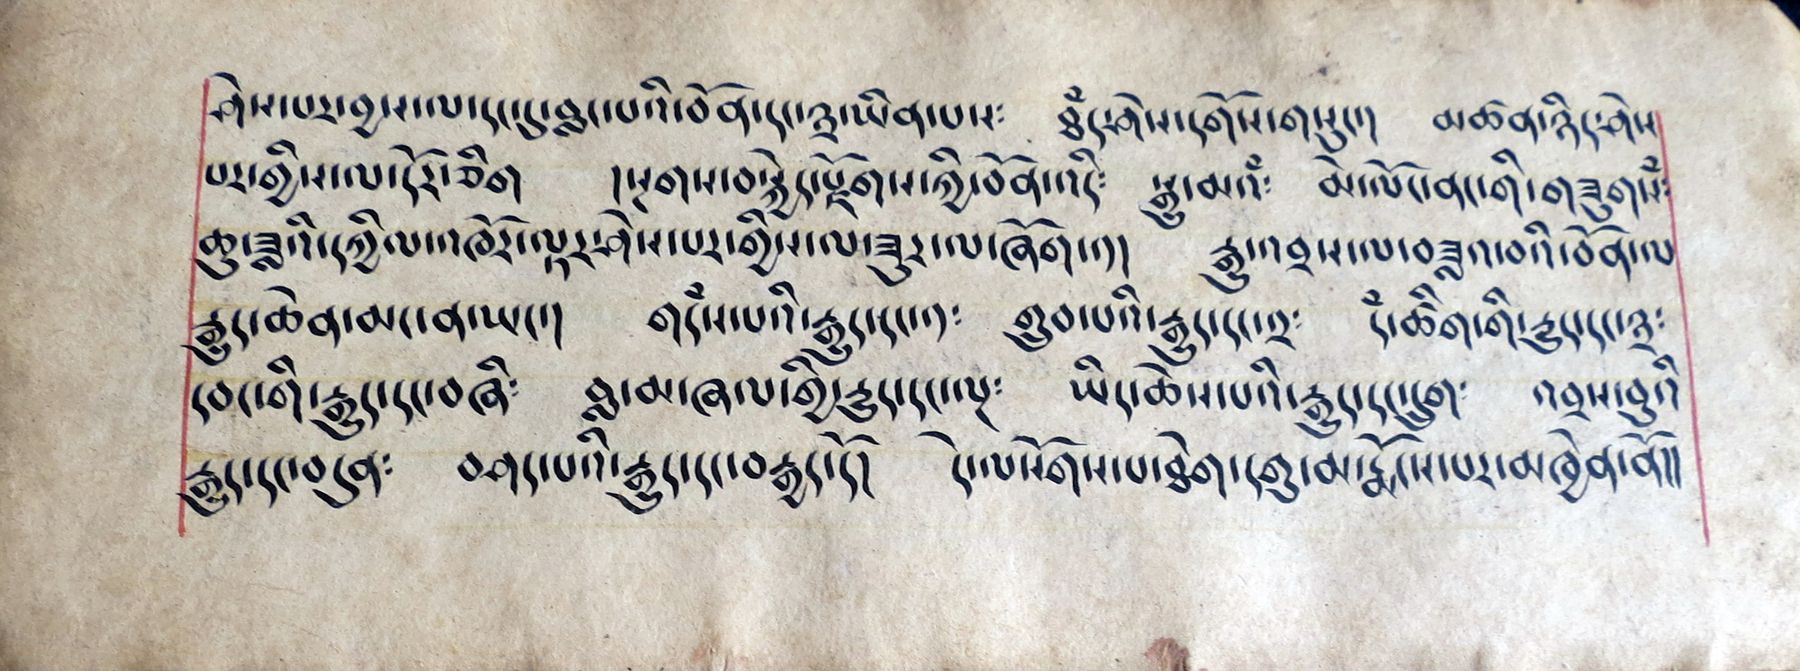ཤེས་པར་བྱས་ནས་དང་དུ་བླང་པར་བྱ་བའི་བོན་དང་གསུམ་ཡིན་པས། ཐམས་ཅད་ཤེས་དགོས་གསུངས། མཚན་ཉིད་ཤེས་
པར་གྱིས་ལ་དོར་ཅིག སྔགས་བསྐྱེད་རྫོགས་ཀྱི་བོན་འདི། སྒྱུ་མའམ་མེ་ལོང་གི་གཟུགས་སམ། 
ཆུ་ཟླའི་དཀྱིལ་འཁོར་ལྟར་ཤེས་པར་གྱིས་ལ་ཟུར་དུ་ཞོག་ཅིག རྒྱུ་འབྲས་ལ་བཟླ་བའི་བོན་ལ། 
རྒྱུད་ཆེན་མང་ན་ཡང་། གདམས་པའི་རྒྱུད་དང་གཅིག། གྲུབ་པའི་རྒྱུད་དང་གཉིས། དམ་ཚིག་གི་རྒྱུད་དང་གསུམ། 
དབང་གི་རྒྱུད་དང་བཞི། བླ་མའི་ཞལ་གྱི་རྒྱུད་དང་ལྔ། ཡིད་ཆེས་པའི་རྒྱུད་དང་དྲུག འབྲས་བུའི
རྒྱུད་པ་དང་བདུན། བཤད་པའི་རྒྱུད་དང་བརྒྱད་དོ། །དེ་ལས་སོགས་པ་ཐེག་དགུ་མ་རྨོངས་པར་མཁྱེན་ནོ། །